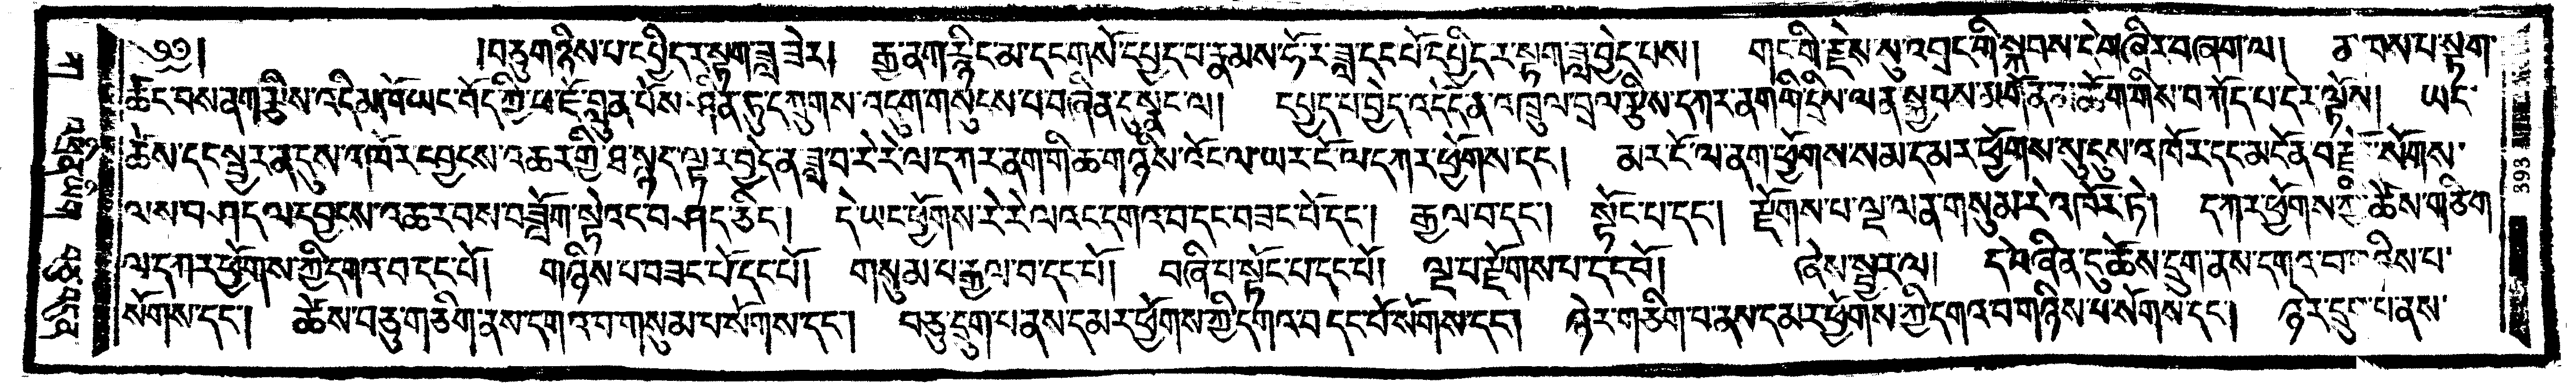༄༅། །བཅུ་གཉིས་པ་དཔྱིད་ར་སྟག་ཟླ་ཟེར། རྒྱ་ནག་རྙིང་མ་དང་གསོ་དཔྱད་པ་རྣམས་ཧོ་ར་ཟླ་དང་པོ་དཔྱིད་ར་སྟག་ཟླ་བྱེད་པས། གང་གི་རྗེས་སུ་འབྲང་གི་སྐབས་དེ་གཞིར་བཞག་ལ། ཊ་བས་པ་སྟག་
ཚང་བས་ནག་རྩིས་འདི་མཁོ་ཡང་བོད་ཀྱི་བ་ཇོ་བླུན་པོས་ཤིན་ཏུ་དཀྲུགས་འདུག་གསུངས་པ་བཞིན་དུ་སྣང་ལ། དཔྱད་པ་བྱེད་འདོད་ན་འཁྲུལ་བྲལ་རྩིས་དཀར་ནག་གི་དྲིས་ལན་སྐྱབས་མགོན་མཆོག་གིས་བཀོད་པ་དེར་ལྟོས། ཡང་
ཚེས་དང་སྦྱར་ན་དུས་འཁོར་དབྱངས་འཆར་གྱིས་ཐ་སྙད་ལྟར་བྱེད་ན་ཟླ་བ་རེ་རེ་ལ་དཀར་ནག་གི་ཆ་གཉིས་འོང་ལ་ཡང་ངོ་ལ་དཀར་ཕྱོགས་དང་། མར་ངོ་ལ་ནག་ཕྱོགས་སམ་དམར་ཕྱོགས་སུ་དུས་འཁོར་དང་མངོན་བརྗོད?་སོགས་
ལས་བཤད་ལ་དབྱངས་འཆར་བས་བཟློག་སྟེའང་བཤད་ཅིང་། དེ་ཡང་ཕྱོགས་རེ་རེ་ལའང་དགའ་བ་དང་བཟང་པོ་དང་། རྒྱལ་བ་དང་། སྟོང་པ་དང་། རྫོགས་པ་ལྔ་ལན་གསུམ་རེ་འཁོར་ཏེ། དཀར་ཕྱོགས་ཀྱི་ཚེས་གཅིག་
ལ་དཀར་ཕྱོགས་ཀྱི་དགའ་བ་དང་པོ། གཉིས་པ་བཟང་པོ་དང་པོ། གསུམ་པ་རྒྱལ་བ་དང་པོ། བཞི་པ་སྟོང་པ་དང་པོ། ལྔ་པ་རྫོགས་པ་དང་པོ། ཞེས་སྦྱར་ལ། དེ་བཞིན་དུ་ཆོས་དྲུག་ནས་དགའ་བ་གཉིས?་པ་
སོགས་དང་། ཚེས་བཅུ་གཅིག་ནས་དགའ་བ་གསུམ་པ་སོགས་དང་། བཅུ་དྲུག་པ་ནས་དམར་ཕྱོགས་ཀྱི་བཀའ་བ་དང་པོ་སོགས་དང་། ཉེར་གཅིག་པ་ནས་དམར་ཕྱོགས་ཀྱི་དགའ་བ་སོགས་དང་། ཉེར་དྲུག་པ་ནས་